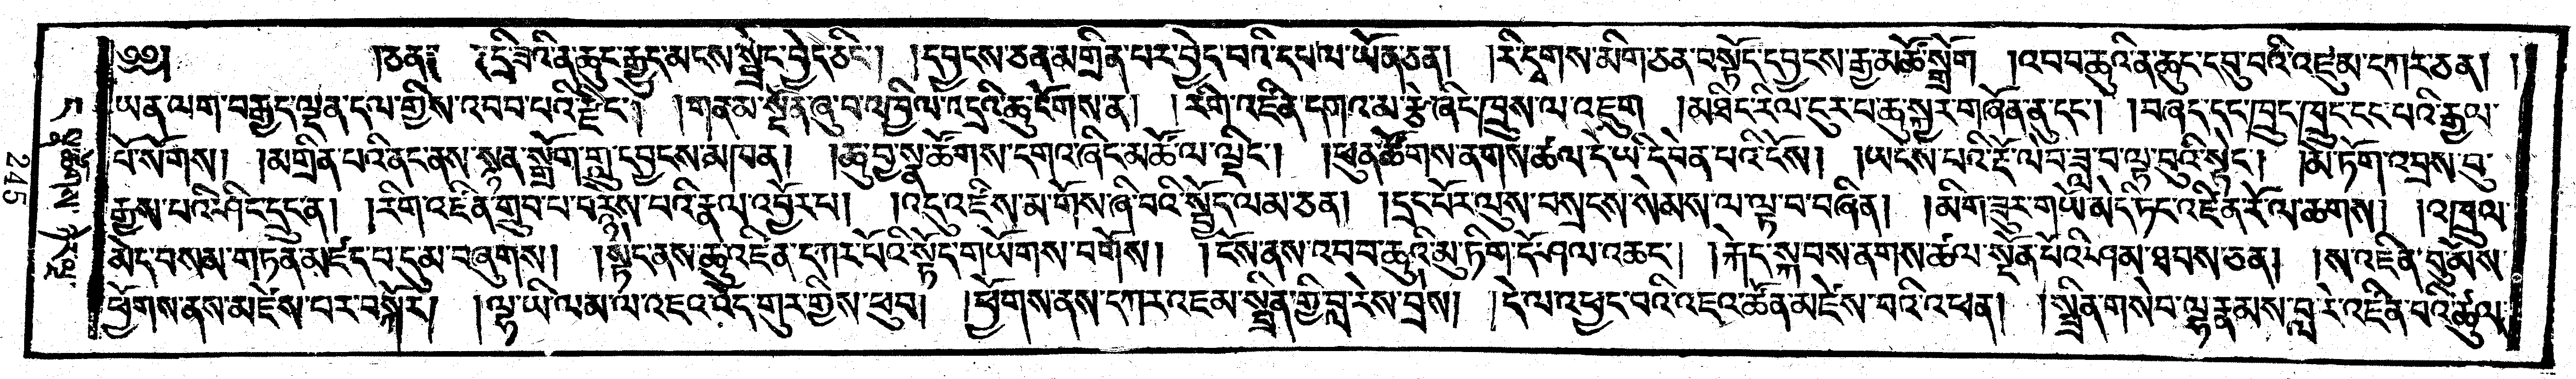༄༅། །ཅན༑ ༑དྲི་ཟའི་ན་ཆུང་རྒྱུད་མདངས་སྦྲེང་བྱེད་ཅིང་། །དབྱངས་ཅན་མགྲིན་པར་བྱེད་པའི་དཔལ་ཡོན་ཅན། །རི་དྭགས་མིག་ཅན་བསྟོད་དབྱངས་རྒྱ་མཚོ་སྒྲོག །འབབ་ཆུའི་ན་ཆུང་དབུ་བའི་འཛུམ་དཀར་ཅན། །
ཡན་ལག་བརྒྱད་ལྡན་དལ་གྱིས་འབབ་པའི་རྫིང་། །གནམ་སྔོན་ཞུ་བ་འཁྱིལ་འདྲའི་ཆུ་ངོགས་ན། །རིག་འཛིན་དགའ་མ་རྩེ་ཞིང་ཁྲུས་ལ་འཇུག །མཐིང་རིལ་དུར་པ་ཆུ་སྐྱར་གཞོན་ནུ་དང་། །བཞད་དང་ཁྲུང་ཁྲུང་ངང་པའི་རྒྱལ་
པོ་སོགས། །མགྲིན་པའི་ནང་ནས་སྙན་སྒྲོག་གླུ་དབྱངས་མཁན། །ཆུ་བྱ་སྣ་ཚོགས་དགའ་ཞིང་མཚོ་ལ་ལྡིང་། །ཕུན་ཚོགས་ནགས་ཚལ་དེ་ཡི་དབེན་པའི་ངོས། །ཡངས་པའི་རྡོ་ལེབ་ཟླ་བ་ལྟ་བུའི་སྟེང་། །མེ་ཏོག་འབྲས་བུ་
རྒྱས་པའི་ཤིང་དྲུང་ན། །རིག་འཛིན་གྲུབ་པ་བརྙེས་པའི་རྣལ་འབྱོར་པ། །འདུ་འཛིས་མ་གོས་ཞི་བའི་སྦྱོད་ལམ་ཅན། །དྲང་པོར་ལུས་བསྲངས་སེམས་ལ་ལྟ་བ་བཞིན། །མིག་ཟུར་གཡོ་མེད་ཏིང་འཛིན་རོ་ལ་ཆགས། །འཁྲུལ་
མེད་བསམ་གཏན་མཛད་བ་དུ་མ་བཞུགས། །སྟེང་ནས་ཆུ་འཛིན་དཀར་པོའི་སྟོད་གཡོགས་བགོས། །ངོས་ནས་འབབ་ཆུའི་མུ་ཏིག་དོ་ཤལ་འཆང་། །རྐེད་སྐབས་ནགས་ཚལ་སྔོན་པོའི་ཤམ་ཐབས་ཅན། །ས་འཇིན་བུ་མོས་
ཕྱོགས་ནས་མཛེས་བར་བསྐོར། །ལྷ་ཡི་ལམ་ལ་འཇའ་འོད་གུར་གྱིས་ཕུབ། །ཕྱོགས་ནས་དཀར་འཇམ་སྤྲིན་གྱི་བླ་རེས་བྲེས། །དེ་ལ་འཕྱང་བའི་འཇའ་ཚོན་མཛེས་བའི་འཕན། །སྤྲིན་གསེབ་ལྷ་རྣམས་བླ་རེ་འཛིན་པའི་ཚུལ་